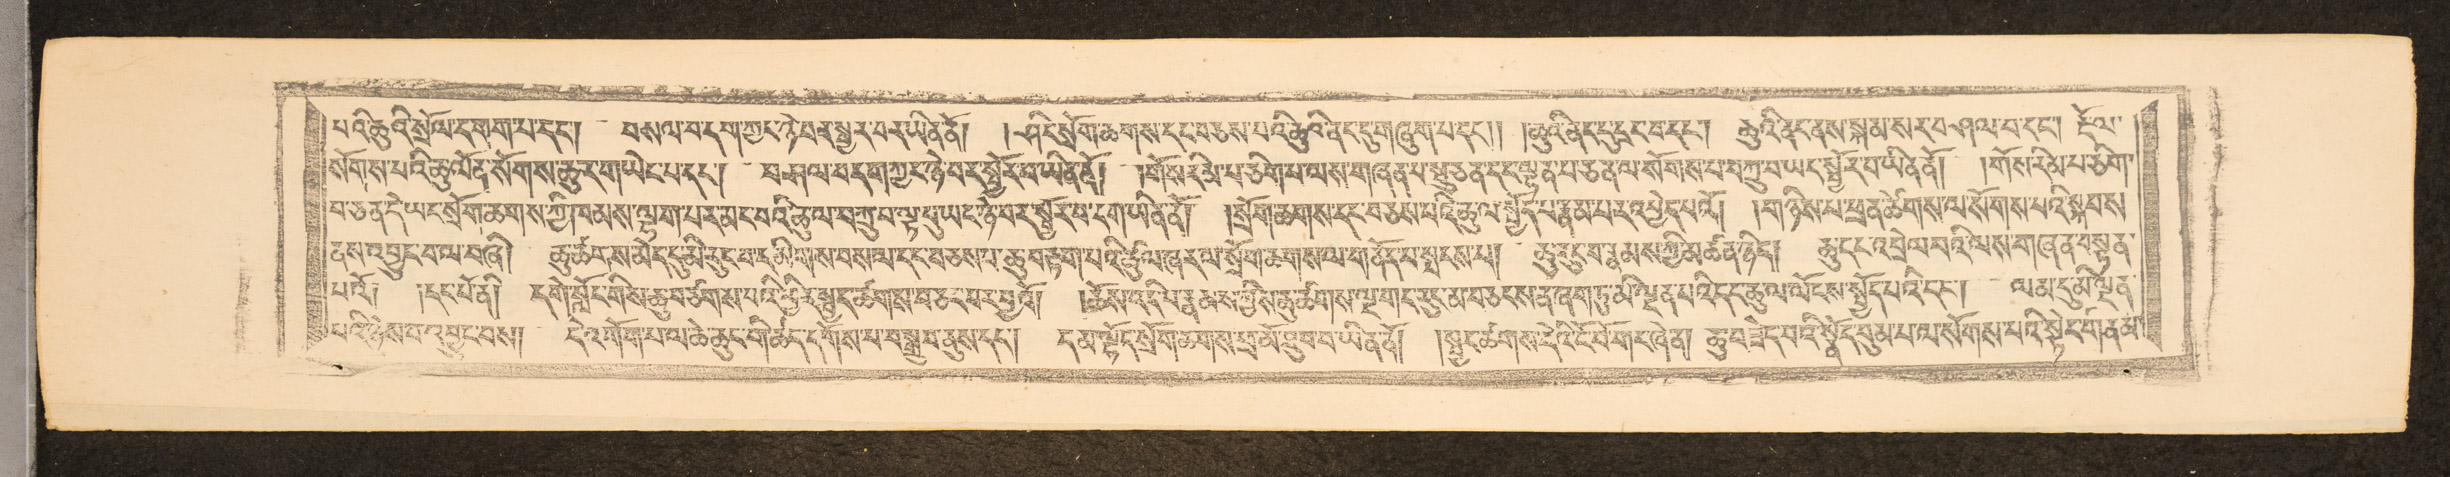པའི་ཆུའི་སྲོལ་དགག་པ་དང་། བསལ་བ་དག་ཀྱང་ཉེ་བར་སྦྱར་བར་ཡིན་ནོ། །ཤིང་སྲོག་ཆགས་དང་བཅས་པའི་ཆུའི་ནང་དུ་གཞུག་པ་དང་། ཆུའི་ནང་དུ་དྲང་བ་དང་། ཆུའི་ནང་ནས་སྐམས་སར་བཤལ་བ་དང་། རྡོ་ལ་
སོགས་པའི་ཆུ་ལོན་སོགས་ཆུར་གཡེང་བ་དང་། བཤལ་བ་དག་ཀྱང་ཉེ་བར་སྦྱོར་བ་ཡིན་ནོ། །གོས་རིམ་པ་ཅིག་བ་ལས་གཞན་བ་སྦྲུ་ཅན་དང་ལྷན་པ་ཅན་ལ་སོགས་པ་བཀྲུ་བ་ཡང་སྦྱོར་པ་ཡིན་ནོ། །གོས་རིམ་པ་ཅིག་
པ་ཅན་དེ་ཡང་སྲོག་ཆགས་ཀྱི་ཁམས་ལྷག་པར་མང་བའི་ཆུ་ལ་བཀྲུ་བ་ལྟ་བུ་ཡང་ཉེ་བར་སྦྱོར་བ་དག་ཡིན་ནོ། །སྲོག་ཆགས་དང་བཅས་པའི་ཆུ་ལ་སྤྱོད་པ་རྣམ་པར་འབྱེད་པའོ། །གཉིས་པ་ཕྲན་ཚེགས་ལ་སོགས་པའི་སྐབས་
ནས་འབྱུང་བ་ལ་བཞི། ཆུ་ཚགས་མེད་དུ་མི་རུང་བ་དམིགས་བསལ་དང་བཅས་པ་ཆུ་བརྟག་པའི་ཚུལ་ཞར་ལ་སྲོག་ཆགས་ལ་གནོད་པ་སྤངས་པ། ཆུ་རུང་བ་རྣམས་ཀྱི་མཚན་ཉིད། ཆུ་དང་འབྲེལ་བའི་ལས་གཞན་བསྟན་
པའོ། །དང་པོ་ནི། དགེ་སློང་གིས་ཆུ་བཙགས་པའི་ཕྱིར་སྤྱར་ཚགས་བཅང་བར་བྱའོ། །ཆོས་འདི་པ་རྣམས་ཀྱིས་ཆུ་ཚགས་ལྔ་གང་རུང་མ་བཅངས་ན་ཞག་ཏུ་མི་ལྡན་པའི་དང་ཆུལ་ལོངས་སྤྱོད་པའི་དང་། ལམ་དུ་མི་ལྡན་
པའི་ཉེས་བ་འབྱུང་བས། དེ་འགོག་པ་ལ་ཆེ་ཆུང་གི་ཚད་དགོས་པ་བསྒྲུབ་ནུས་དང་། དམ་ལྷོད་སྲོག་ཆགས་ཕྲ་མོ་ཐུབ་པ་ཡིན་ནོ། །སྦྱང་ཚགས་དེའི་ངོ་བོ་གང་ཞེ་ན། ཆུ་བཟེད་པའི་སྣོད་བུམ་པ་ལ་སོགས་པའི་སྟེང་གི་ནམ་